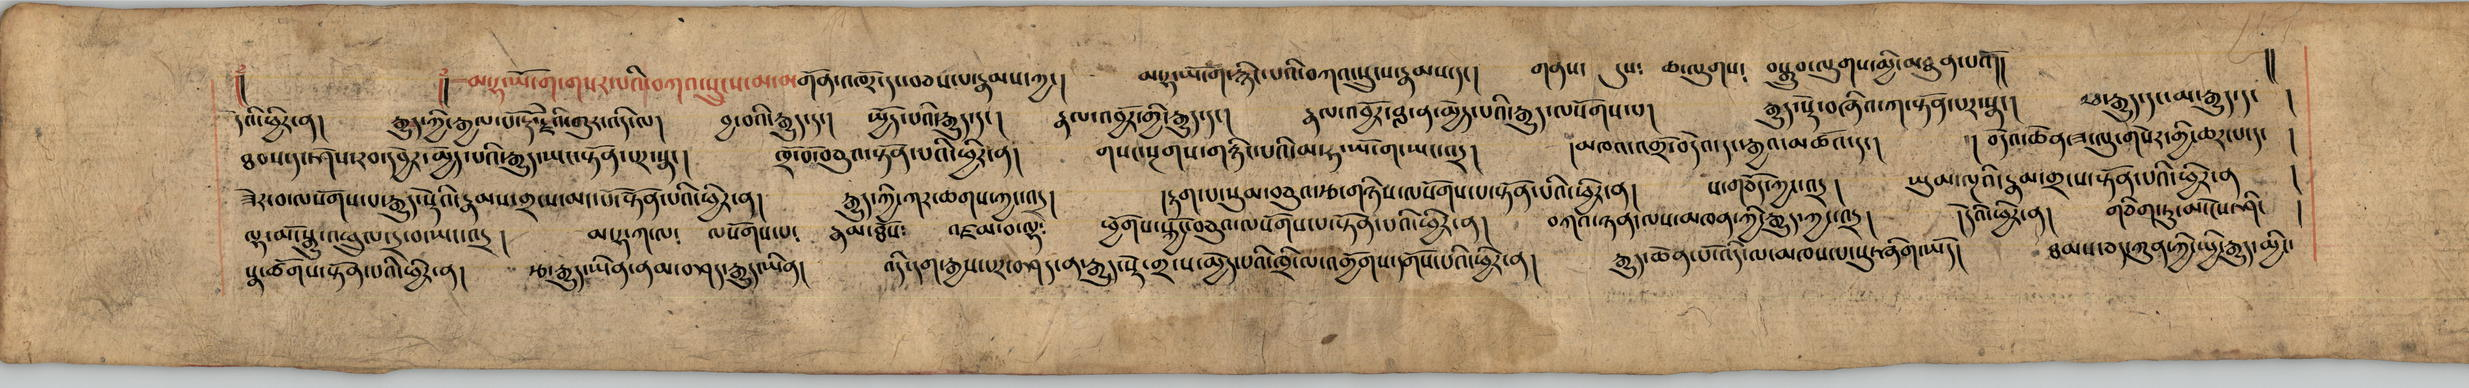།། མ་ཧ་ཡོ་ག་གསར་པའི་བཀའ་སྲུངས་མ་མགོན་འཁོར་དང་བཅས་པ་རྣམས་ཀྱང། མ་ཧ་ཡོ་ག་རྙིང་པའི་བཀའ་སྲུངས་རྣམས་དང། གནས་ དུས༴ ཆ་ལུགས༴ བསྒྲུབ་ལུགས་མྱི་མཐུན་ོཔའོ།།
དེའི་ཕྱིར་ན། རྒྱུད་ཀྱི་རྒྱལ་པོ་རྡོ་རྗེའི་གུར་འདི་ལ། བྱ་བ་རྒྱུད་དང། སྤྱོད་པའི་རྒྱུད་དང། རྣལ་འབྱོར་གྱི་རྒྱུད་དང། རྣལ་འབྱོར་བླ་ན་མྱེད་པའི་རྒྱུད་ལསོགས་པ། རྒྱུད་སྡེ་བཞིའ་ཀ་སྟོན་པར་སྣང། ཕ་རྒྱུད་དང་མ་རྒྱུད་དང །
ཐབས་དང་ཤེས་རབ་དབྱེར་མྱེད་པའི་རྒྱུད་ཡང་སྟོན་པར་སྣང། ཁྲོ་བོ་བཅུའ་སྟོན་པའི་ཕྱིར་ན། གསང་སྔགས་གརྙིང་པའི་མ་ཧ་ཡོ་ག་ཡང་འདྲ། །མཁའ་འྒརོ་བདེའ་དང་རྒྱའ་མཚོའ་དང། །བདེའ་ཆེན་ཟ་ལུ་གསེར་གྱི་ཆར་པ་དང །
ཟེར་བ་ལསོགས་པ་རྒྱུད་སྡེའི་རྣམས་གྲངས་མང་པོ་སྟོན་པའི་ཕྱིར་ན། རྒྱུད་ཀྱི་ཀར་ཆགས་ཀྱང་འདྲ། །རྟག་པ་སུམ་བཅུའ་རྩ་གཉིས་ལསོགས་པ་སྟོན་པའི་ཕྱིར་ན། ས་གཅོད་ཀྱང་འདྲ། ཡུམ་ལྔའི་རྣམ་གྲངས་སྟོན་པའི་ཕྱིར་ན
ལྷ་མོ་སྒྱུ་འཕྲུལ་དྲ་བ་ཡང་འདྲ། མ་ཧ་ཀ་ལ༴ ལསོགས་པ༴ རྣམ་ཐོས༴ འཛམ་བ་ལྷ༴ ཕྱོགས་སྐྱོང་བཅུའ་ལསོགས་པ་སྟོན་པའི་ཕྱིར་ན། བཀའ་ཉན་ལས་མཁན་ཀྱི་རྒྱུད་ཀྱང་འདྲ། །དེའི་ཕྱིར་ན། གཅིག་ཏུ་མ་ངེས་ཤིང །
སྣ་ཚོགས་སྟོན་པའི་ཕྱིར་ན། རྩ་རྒྱུད་ཡིན་ནམ་བཤད་རྒྱུད་ཡིན། འདི་དག་རྒྱས་པར་བཤད་ན་རྒྱུད་སྡེ་གྲངས་མྱེད་པའི་ཁྲི་ལ་འགྱོགས་དགོས་པའི་ཕྱིར་ན། རྒྱུད་ཆེན་པོ་འདི་ལ་མཁས་པ་སུ་ཞིག་ཡོད། ཐམས་ཅད་ཀུན་ཀྱི་སྤྱི་རྒྱུད་མྱིང་